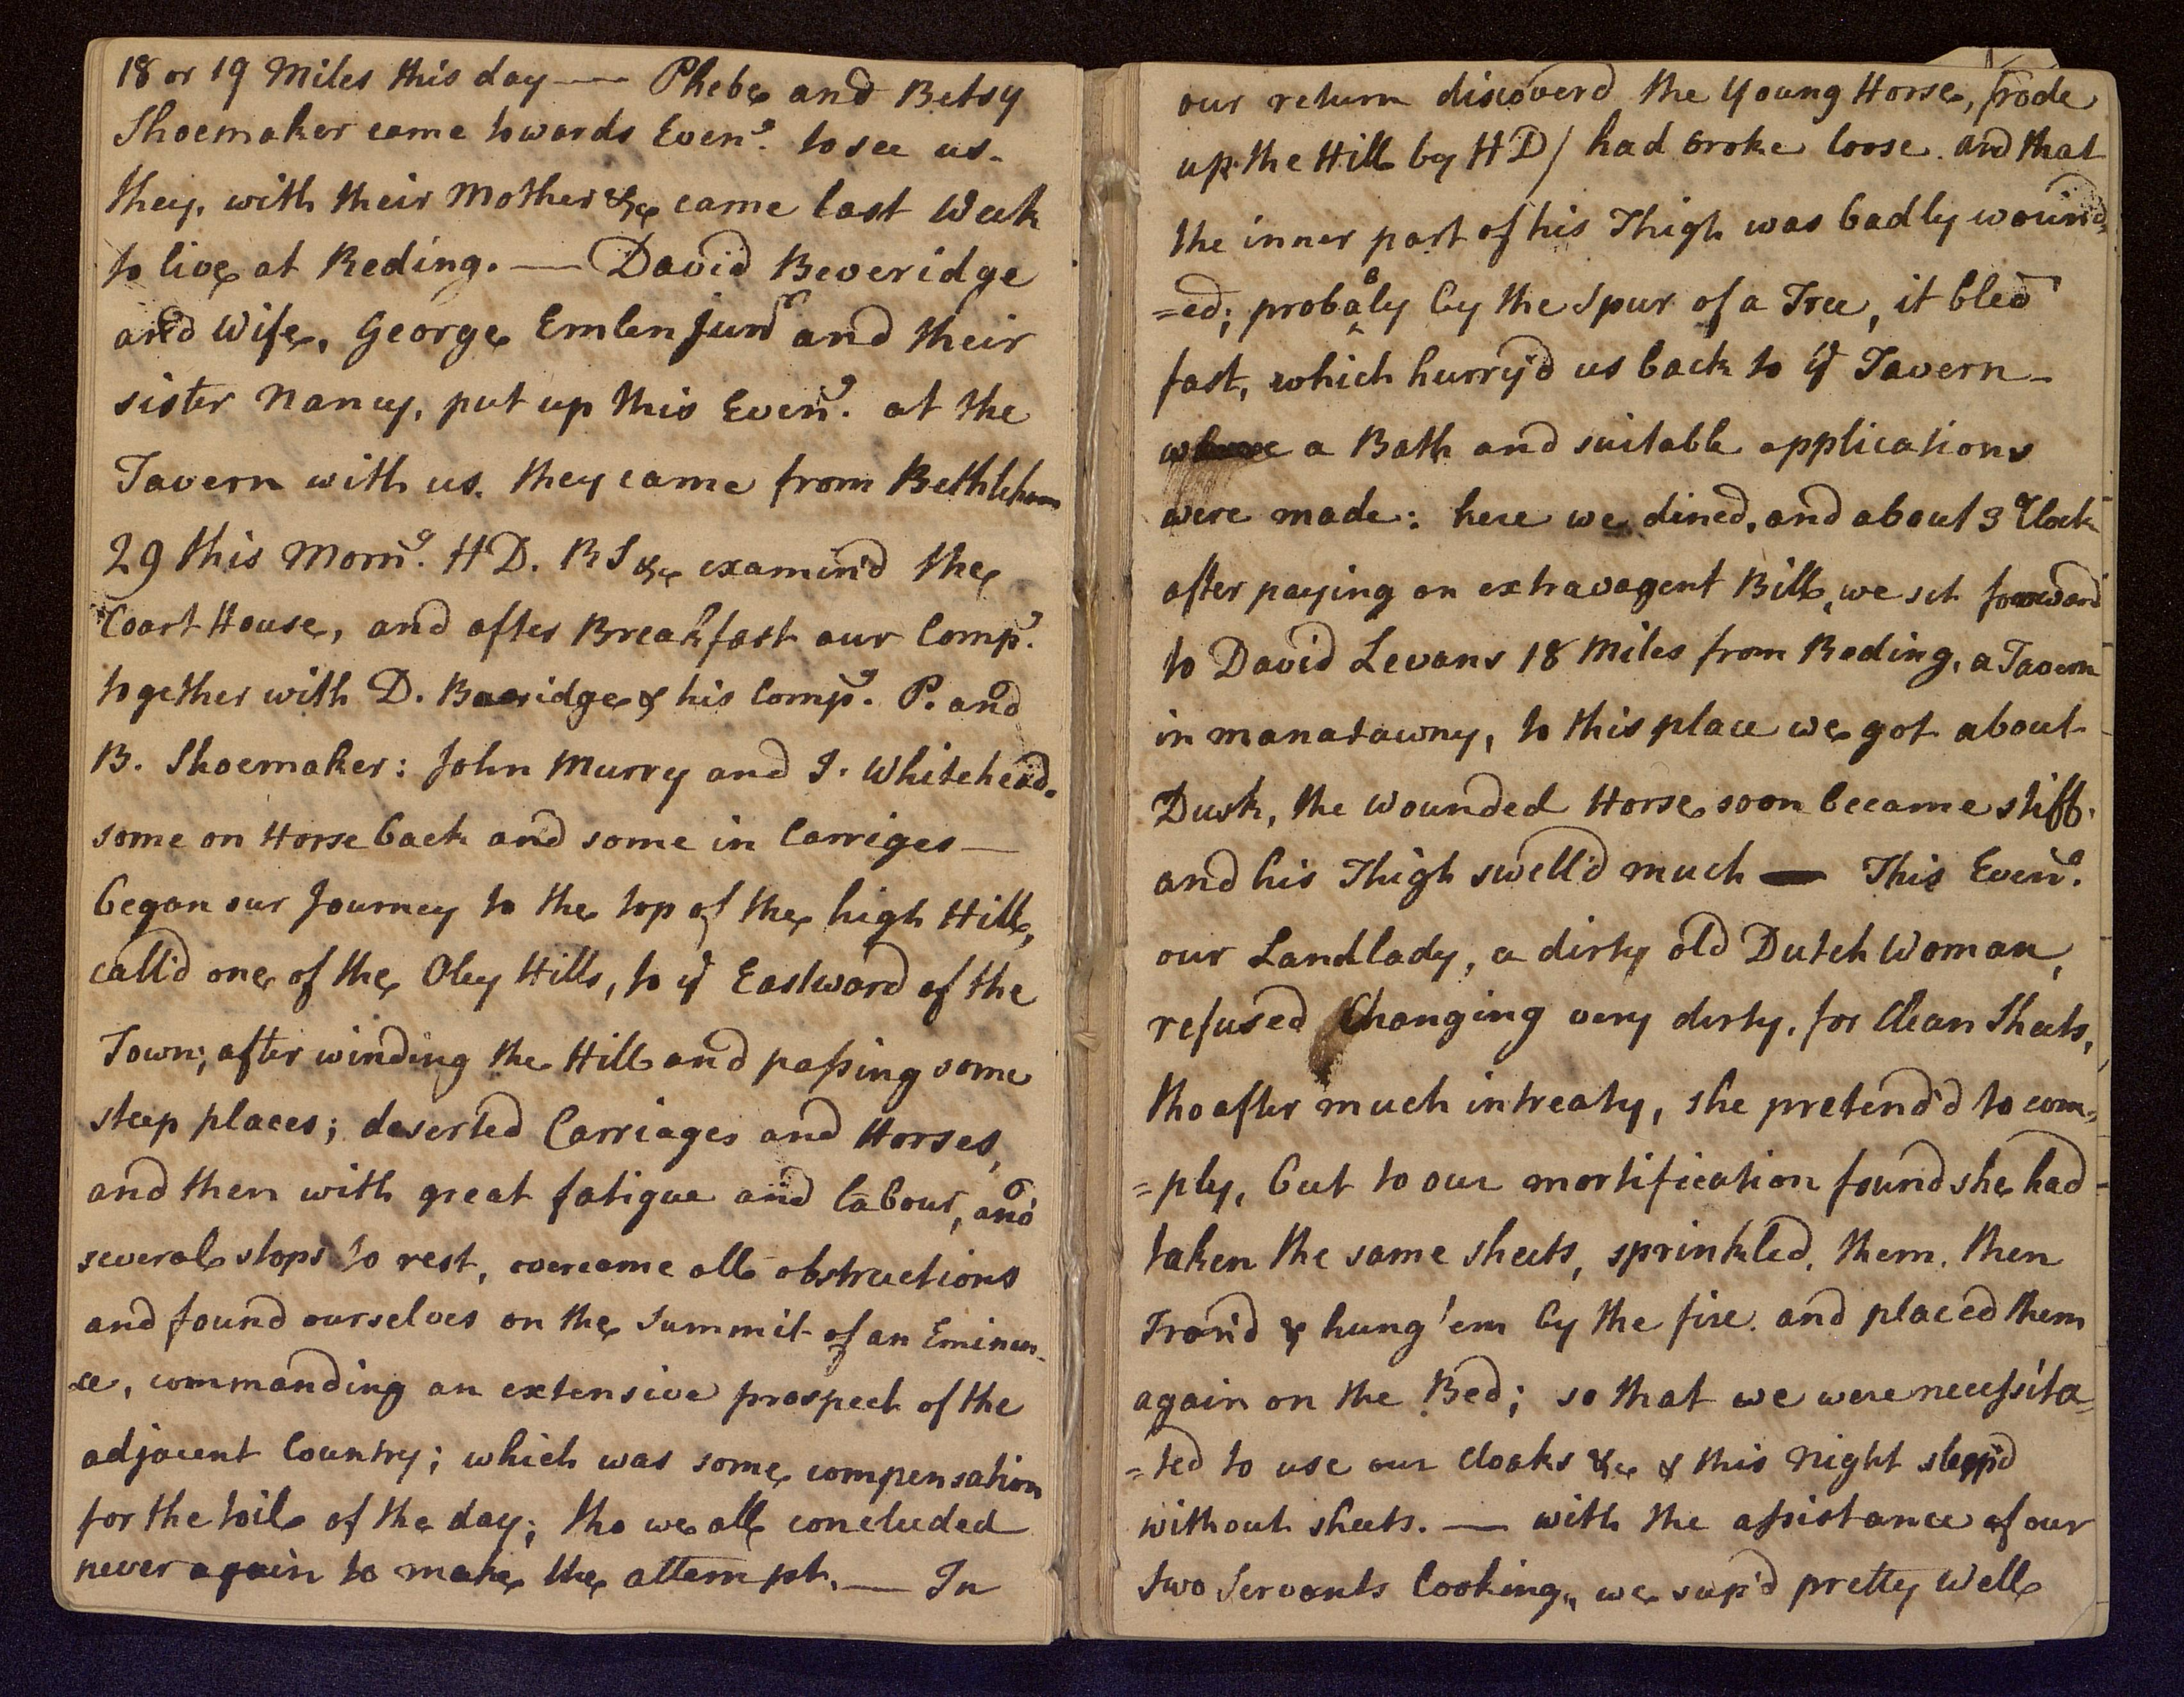18 or 19 Miles this day- Phebe and Betsy
Shoemaker came towards Even^g. to see us.
they. with their mother &c came last Week
to live at Reding.- David Beveridge
and Wife, George Emlen Jun^r and their
sister Nancy, put up this Even^g. at the
Tavern with us they came from Bethlehem
29 this Morn^g. HD. R S &c examin'd the
Coart House, and after Breakfast our Comp^y.
together with D. Beveridge of his Comp^y. P. and
B. Shoemaker: John Murry and J. Whitehead.
some on Horse back and some in Carriges-
began our Journey to the top of the high Hill,
call'd one of the Oley Hills, to y^E Eastward of the
Town; after winding the Hill and passing some
steep places; deserted Carriages and Horses,
and then with great fatigue and labour, and
several stops to rest, overcame all obstructions
and found ourselves on the Summit of an Eminen-
-ce, commanding an extensive prospect of the
adjacent Country; which was some compensation
for the toils of the day; tho we all concluded
never again to make the attempt.- In
our return discover'd the Young Horse, [_]rode
upthe Hill by HD / had broke loose and that
the inner part of his Thigh was badly wound
-ed; proba^bly by the spur of a Tree, it bled
fast, which hurry'd us back to it? Tavern-
where a Bath and suitable applications
were made: here we dined, and about 3 oClock
after paying an extravagent Bill, we set forward
to David Levans 18 miles from Reding, a Tavern
in manatawny?, to this place we got about.
Dusk, the Wounded Horse soon became stiff.
and his Thigh swell'd much- This Even^g.
our Landlady, a dirty old Dutch woman,
refused Changing very dirty, for clean Sheets,
tho after much intreaty, she pretend'd to com-
-ply, but to our mortification found she had
taken the same sheets, sprinkled, them. then
Fron'd & hung 'em by the fire, and placed them
again on the Bed; so that we were necessita-
-ted to use our cloaks &c & this night sleepd
without sheets.- with the assistance of our
two Servents looking, we sup'd pretty well